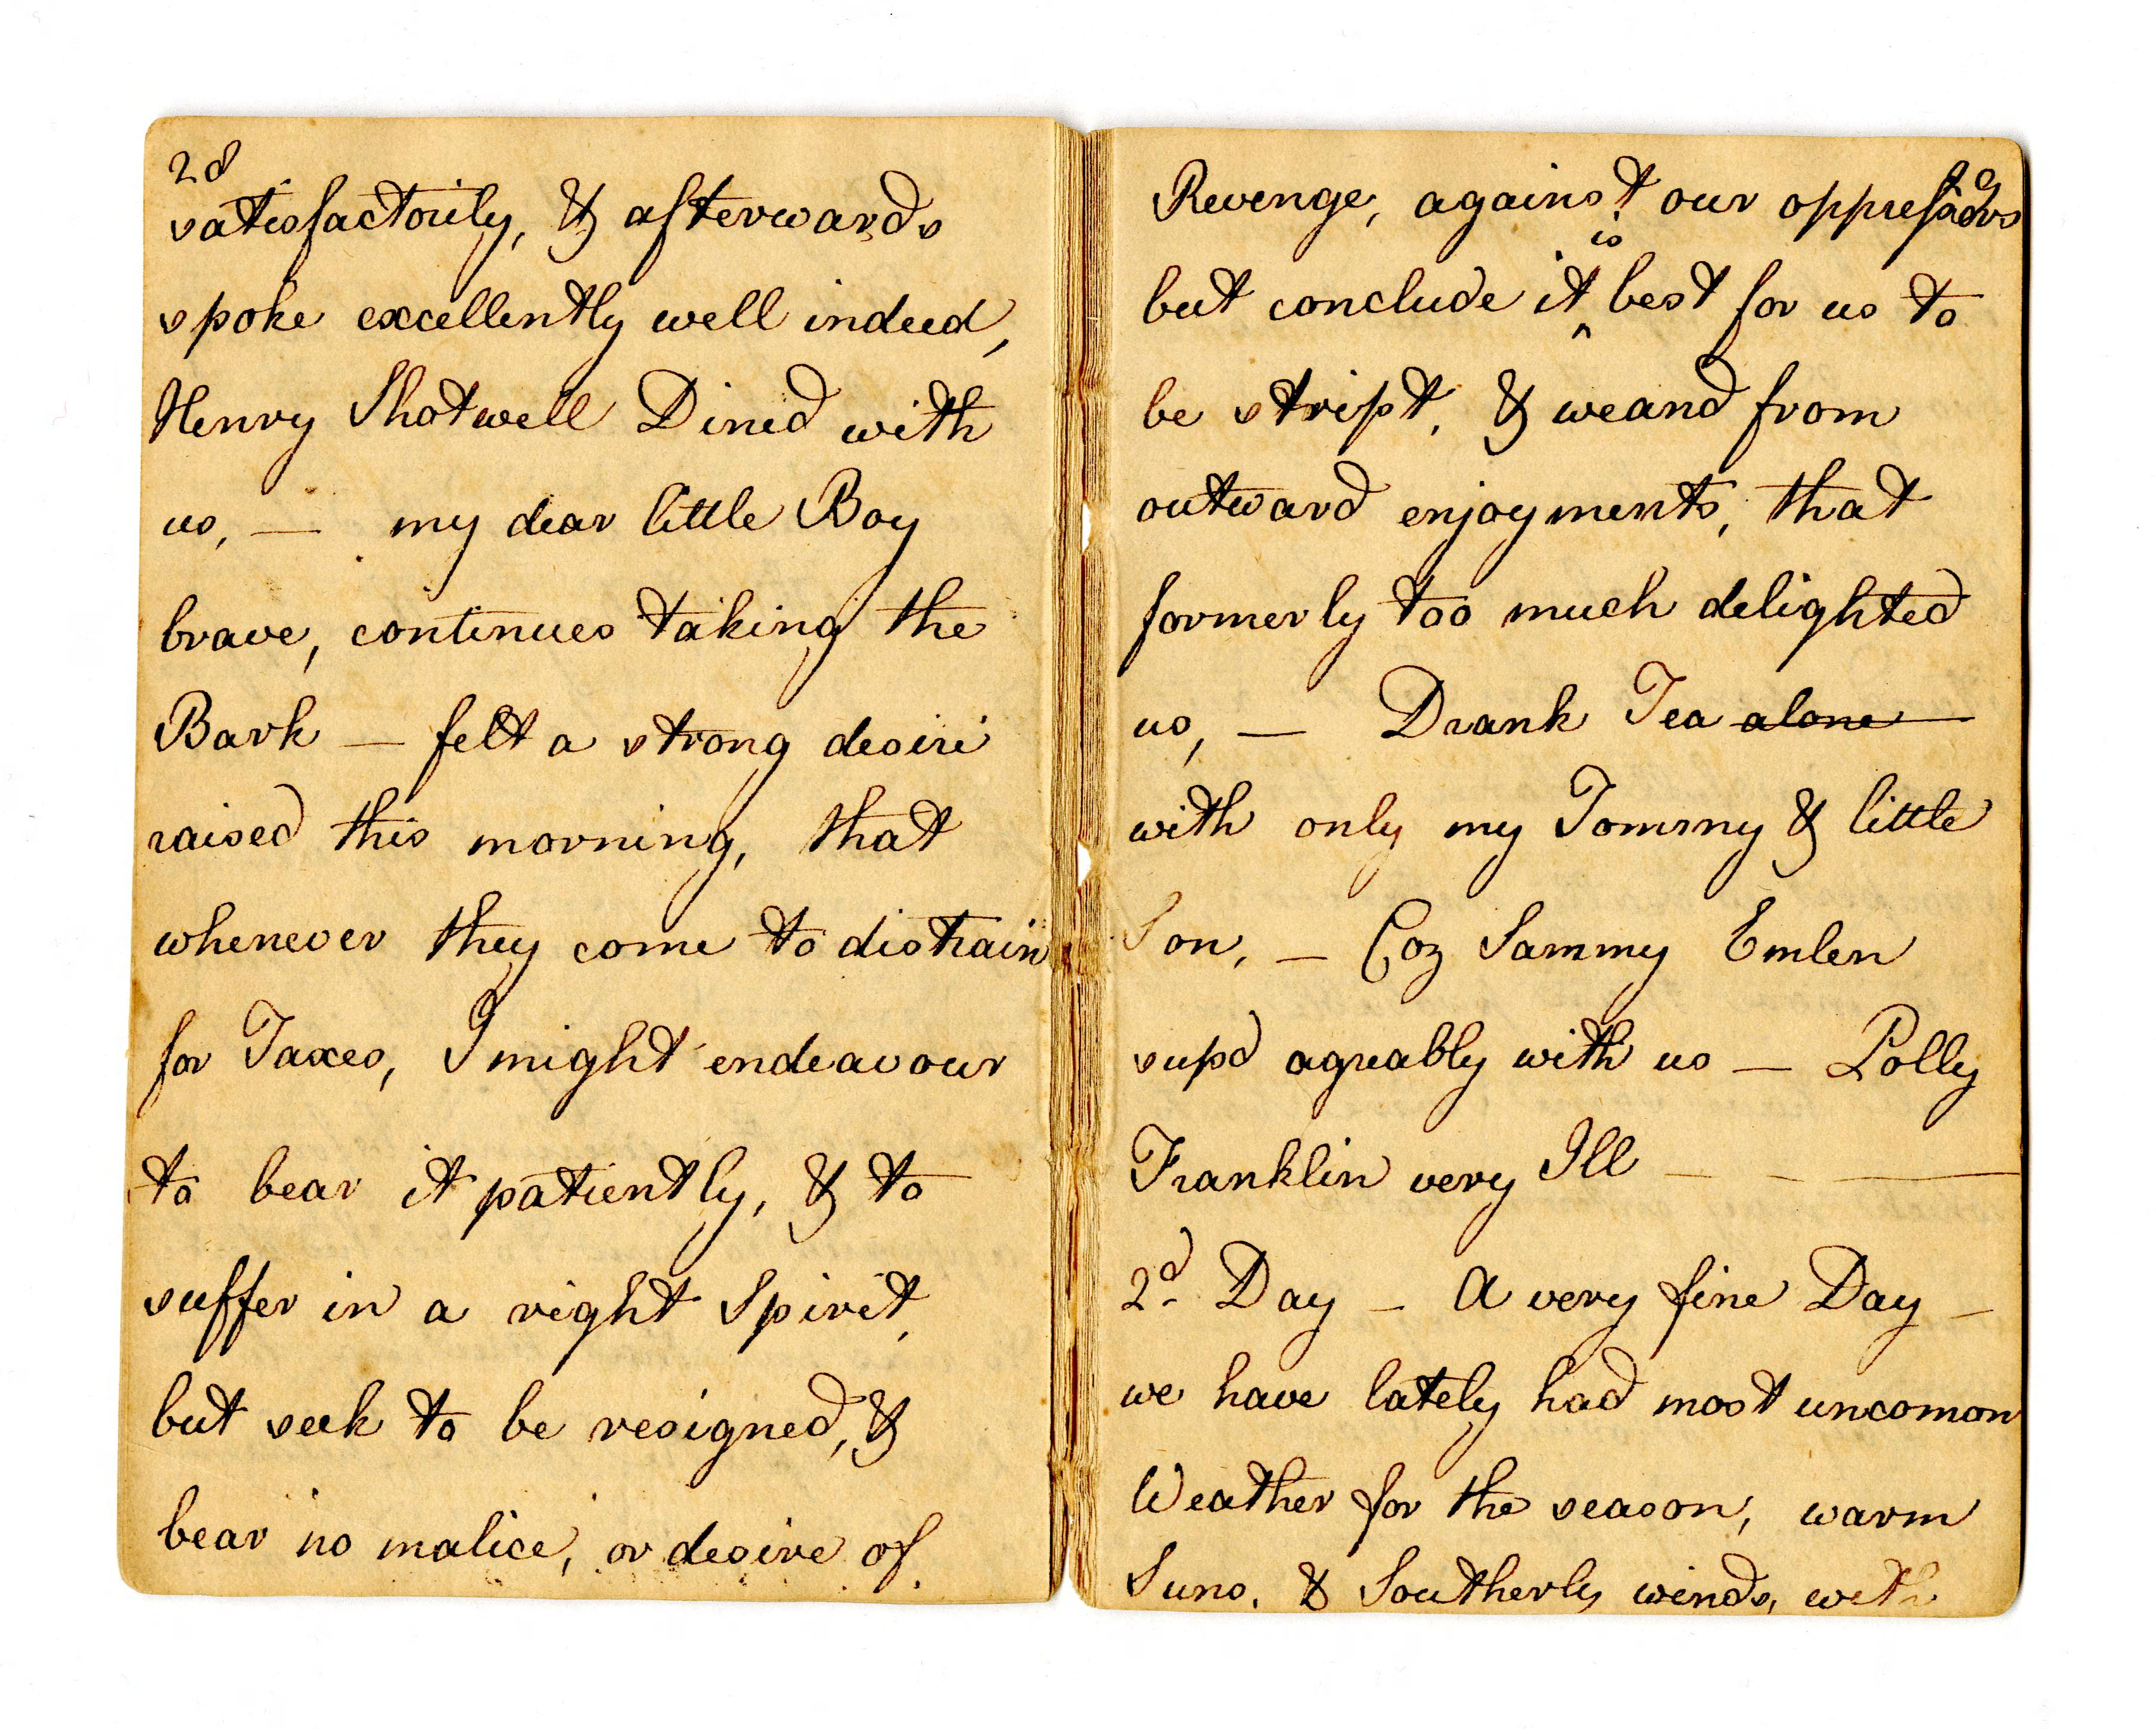28
satisfactorily, & afterwards
spoke excellently well indeed,
Henry Shotwell Dined with
us,- my dear little Boy
brave, continues taking the
Bark- felt a strong desire
raised this morning, that
whenever they come to distrain
for Taxes, I might endeavour
to bear it patiently, & to
suffer in a right Spirit,
but seek to be resigned, &
bear no malice, or desire of.
29
Revenge against our oppressors
is
but conclude it ^ best for us to
be stript, & weand from
outward enjoyments, that
formerly too much delighted
us,- Drank Tea alone
with only my Tommy & little
Son,- Coz Sammy Emlen
supd agreably with us- Polly
Franklin very Ill
2^d. Day- A very fine Day
we have lately had most uncomon
Weather for the season, warm
Suns, & Southerly winds, with